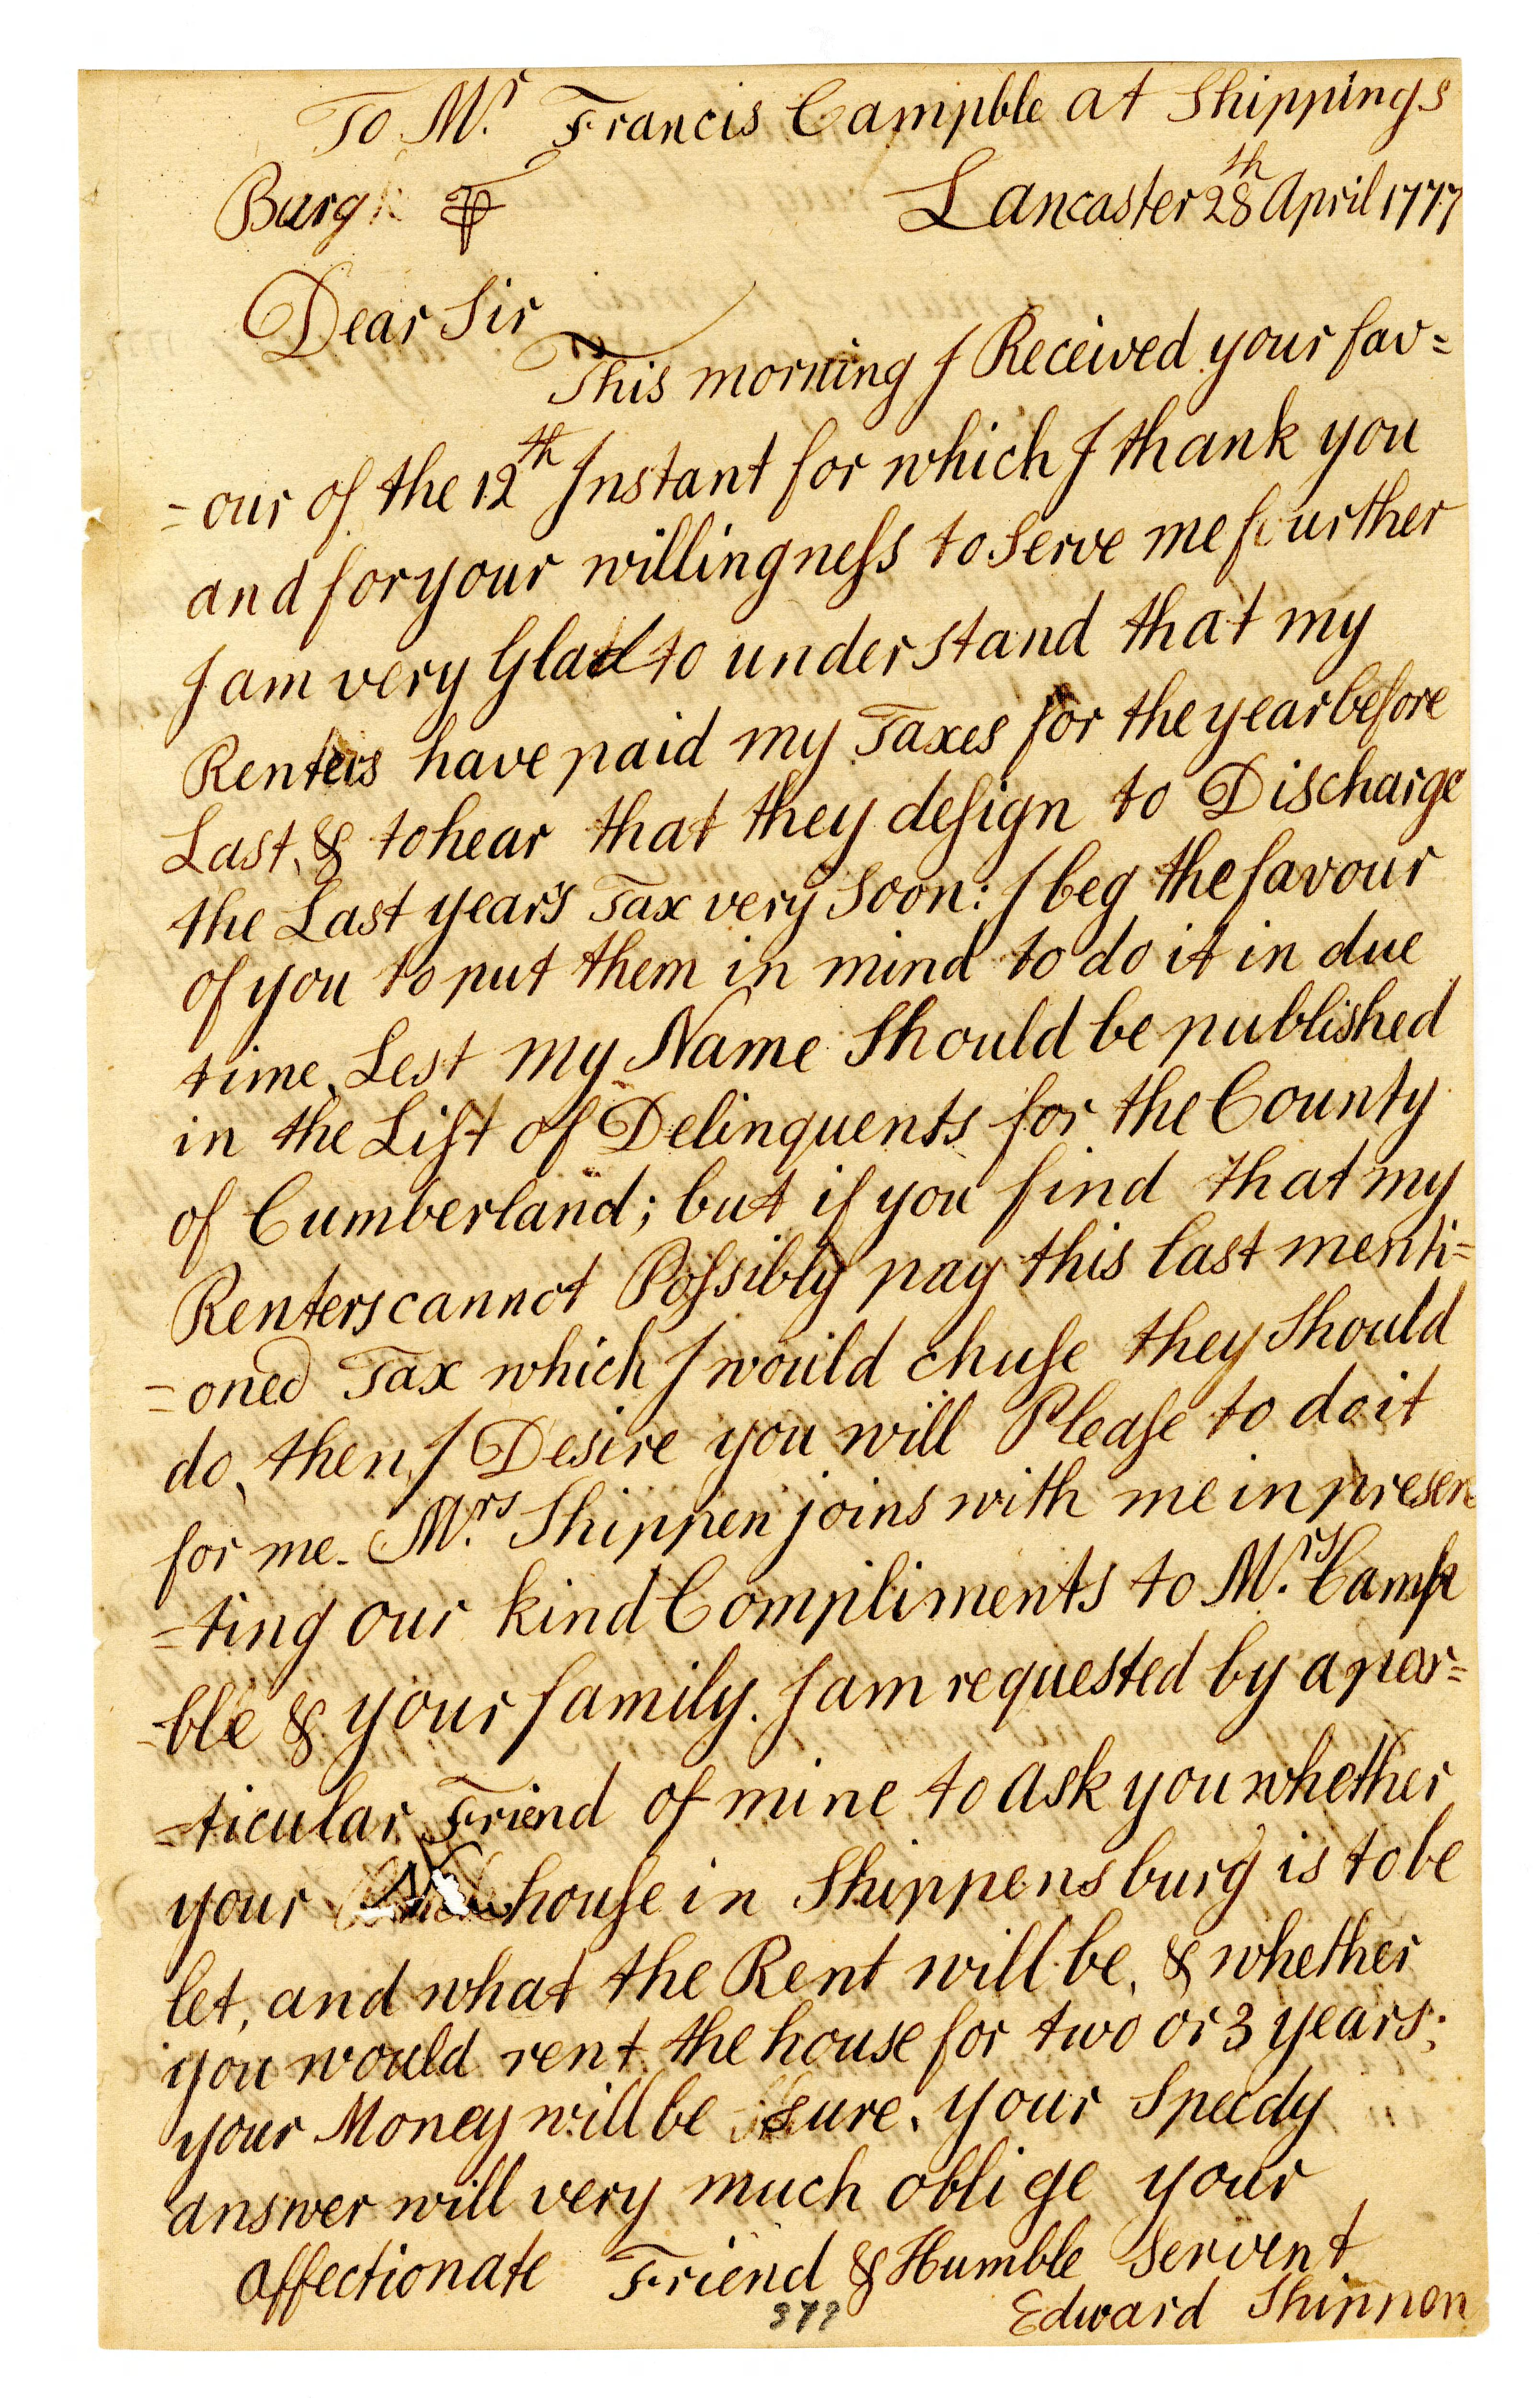To M^r. Francis Campble at Shippings
Burg: per
Lancaster 28 April 1777
Dear Sir
This morning I Received your fav-
-our of the 12^th Instant for which I thank you
and for your willingness to Serve me fourther
I am very Glad to understand that my
Renters have paid my Taxes for the year before
Last, & to hear that they design to Discharge
the Last Years Tax very Soon: I beg the favour
of you to put them in mind to do it in due
time, Lest my Name should be published
in the List of Delinquents for the County
of Cumberland; but if you find that my
Renters cannot Possibly pay this last menti-
-oned Tax which I would chuse they should
do, then I Desire you will Please to do it
for me. M^rs. Shippen joins with me in present
-ting our kind Compliments to M^r. Camp
-ble & your family. I am requested by a par-
-ticular friend of mine to Ask you whether
your [____] house in Shippensburg is to be
let, and what the Rent will be, & whether
you would rent the house for two or 3 years;
your Money will be sure. Your speedy
answer will very much oblige
Affectionate Friend & Humble Servent
Edward Shippen
your